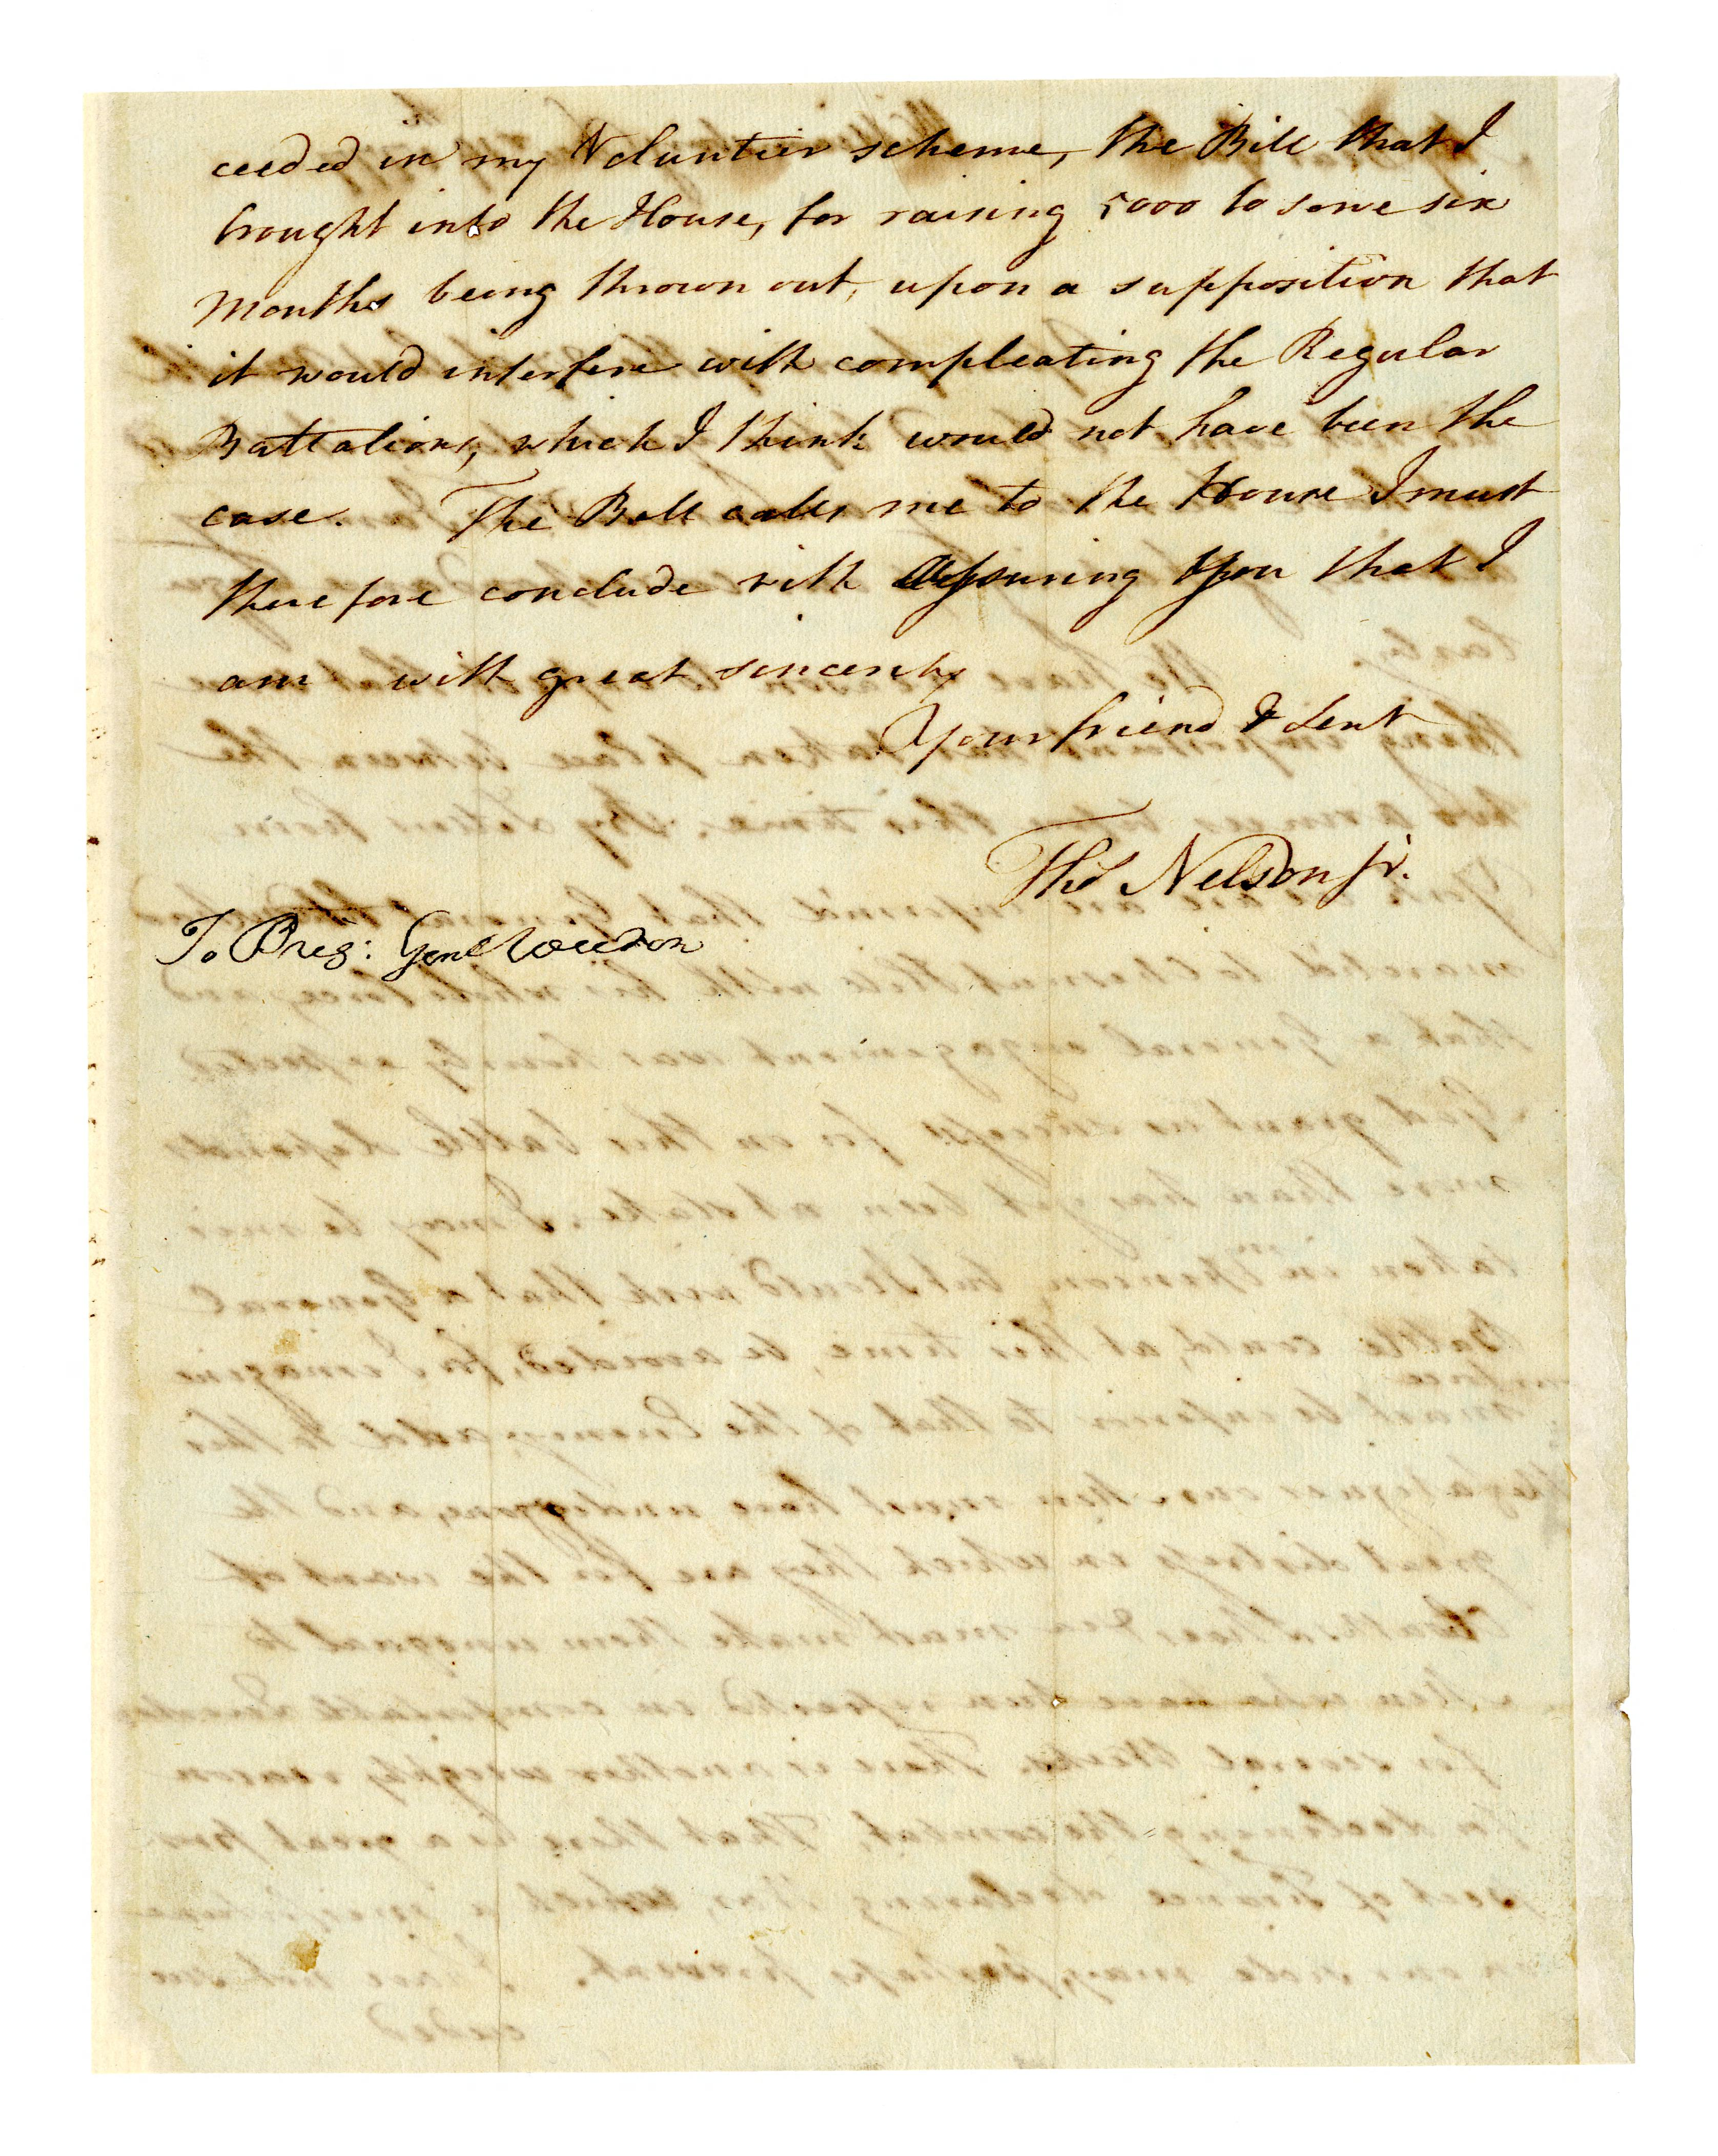ceeded in my Volunteer scheme, the Bill that I
bought into the House, for raising 5000 to some six
months being thrown out, upon a supposition that
it would interfere with compleating the Regular
Battalions, which I think would not have been the
case. The Ball calls me to the House I must
therefore conclude with Assuring You that I
am with great sincerity
Your friend & Ser^t
Tho^s Nelson jr
To Brig: Gen^l Weedon